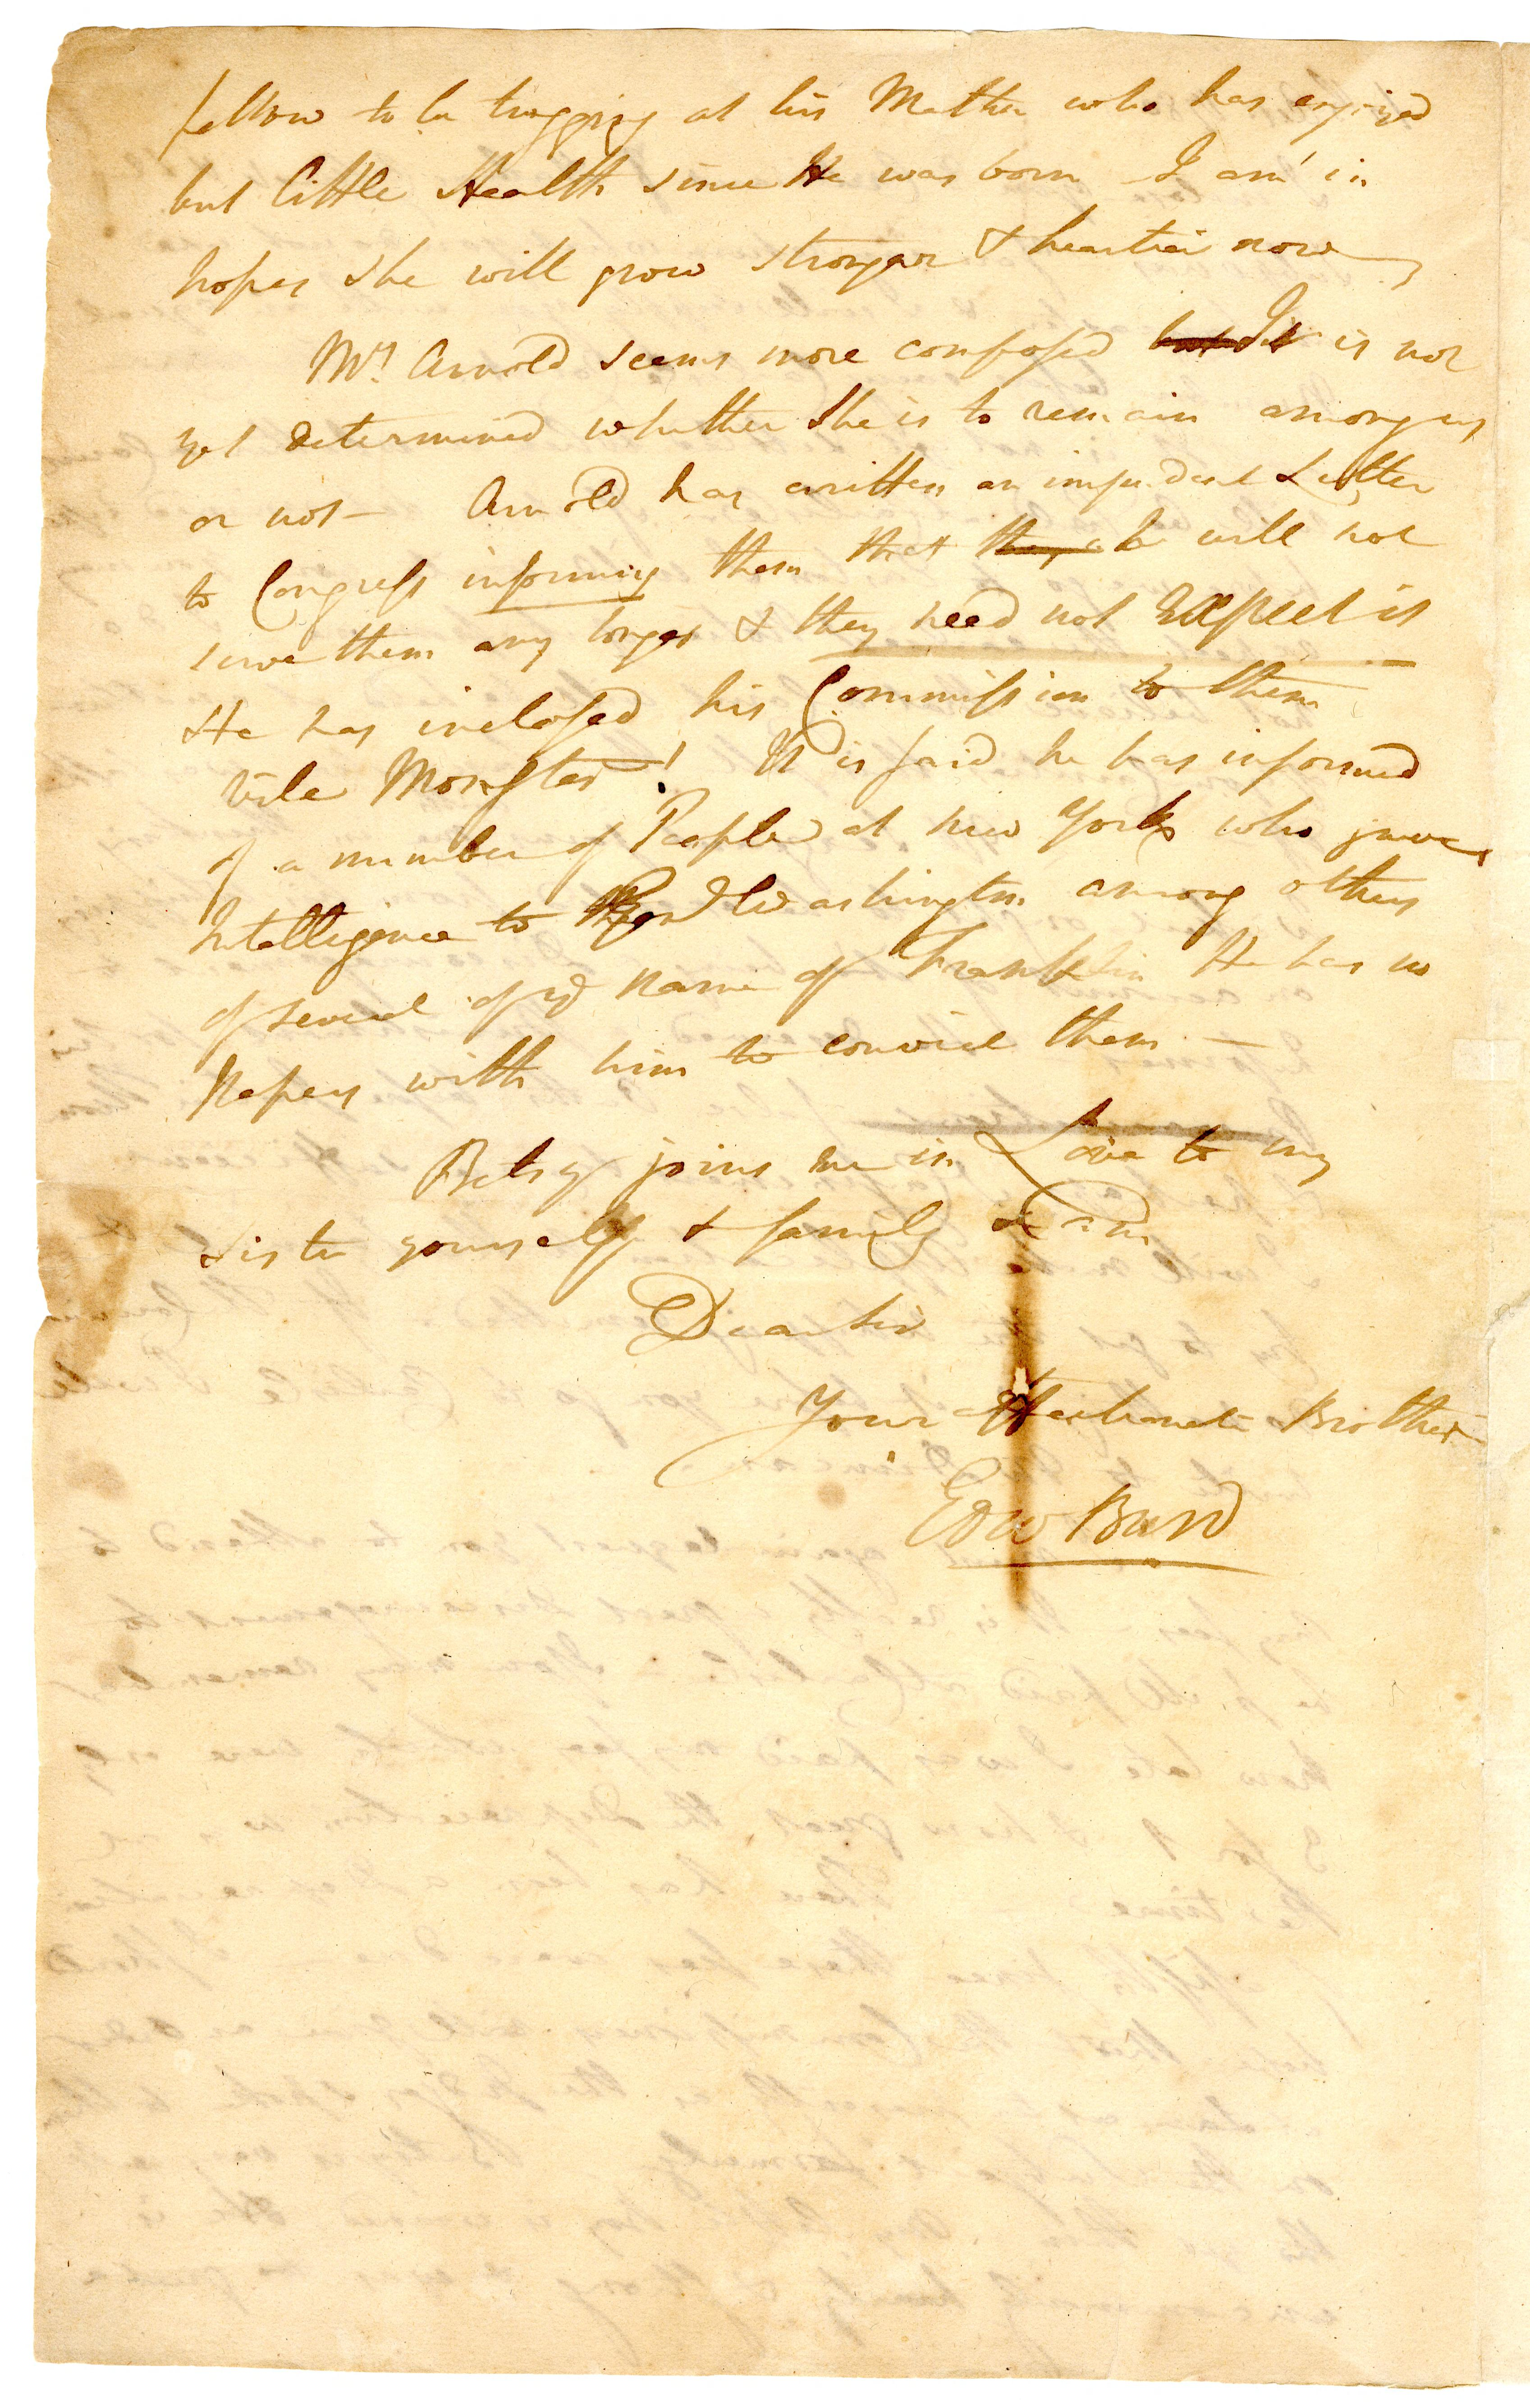fellow to be tugging at his Mother who has aprized
but little Health since He was born. I am in
hopes she will grow stronger & heartier now
M^rs. Arnold seems more confused but It is not
yet determined whether she is to remain among us
or not. Arnold has written an impudent Letter
to Congress informing them that they I will not
serve them any longer & they heed not expect it
He has inclosed his Commission to them
vile Monsters! It is said he has informed
of a member of People at New York who gave
Intelligence to Gen^l. Washington among others
of several of y^e Name of Frank He has no
papers with him to convict them.
Betsy joins me in Love to my
sister yourself & family. I am
Dear Sir
Your affectionate Brother
Edw Burd